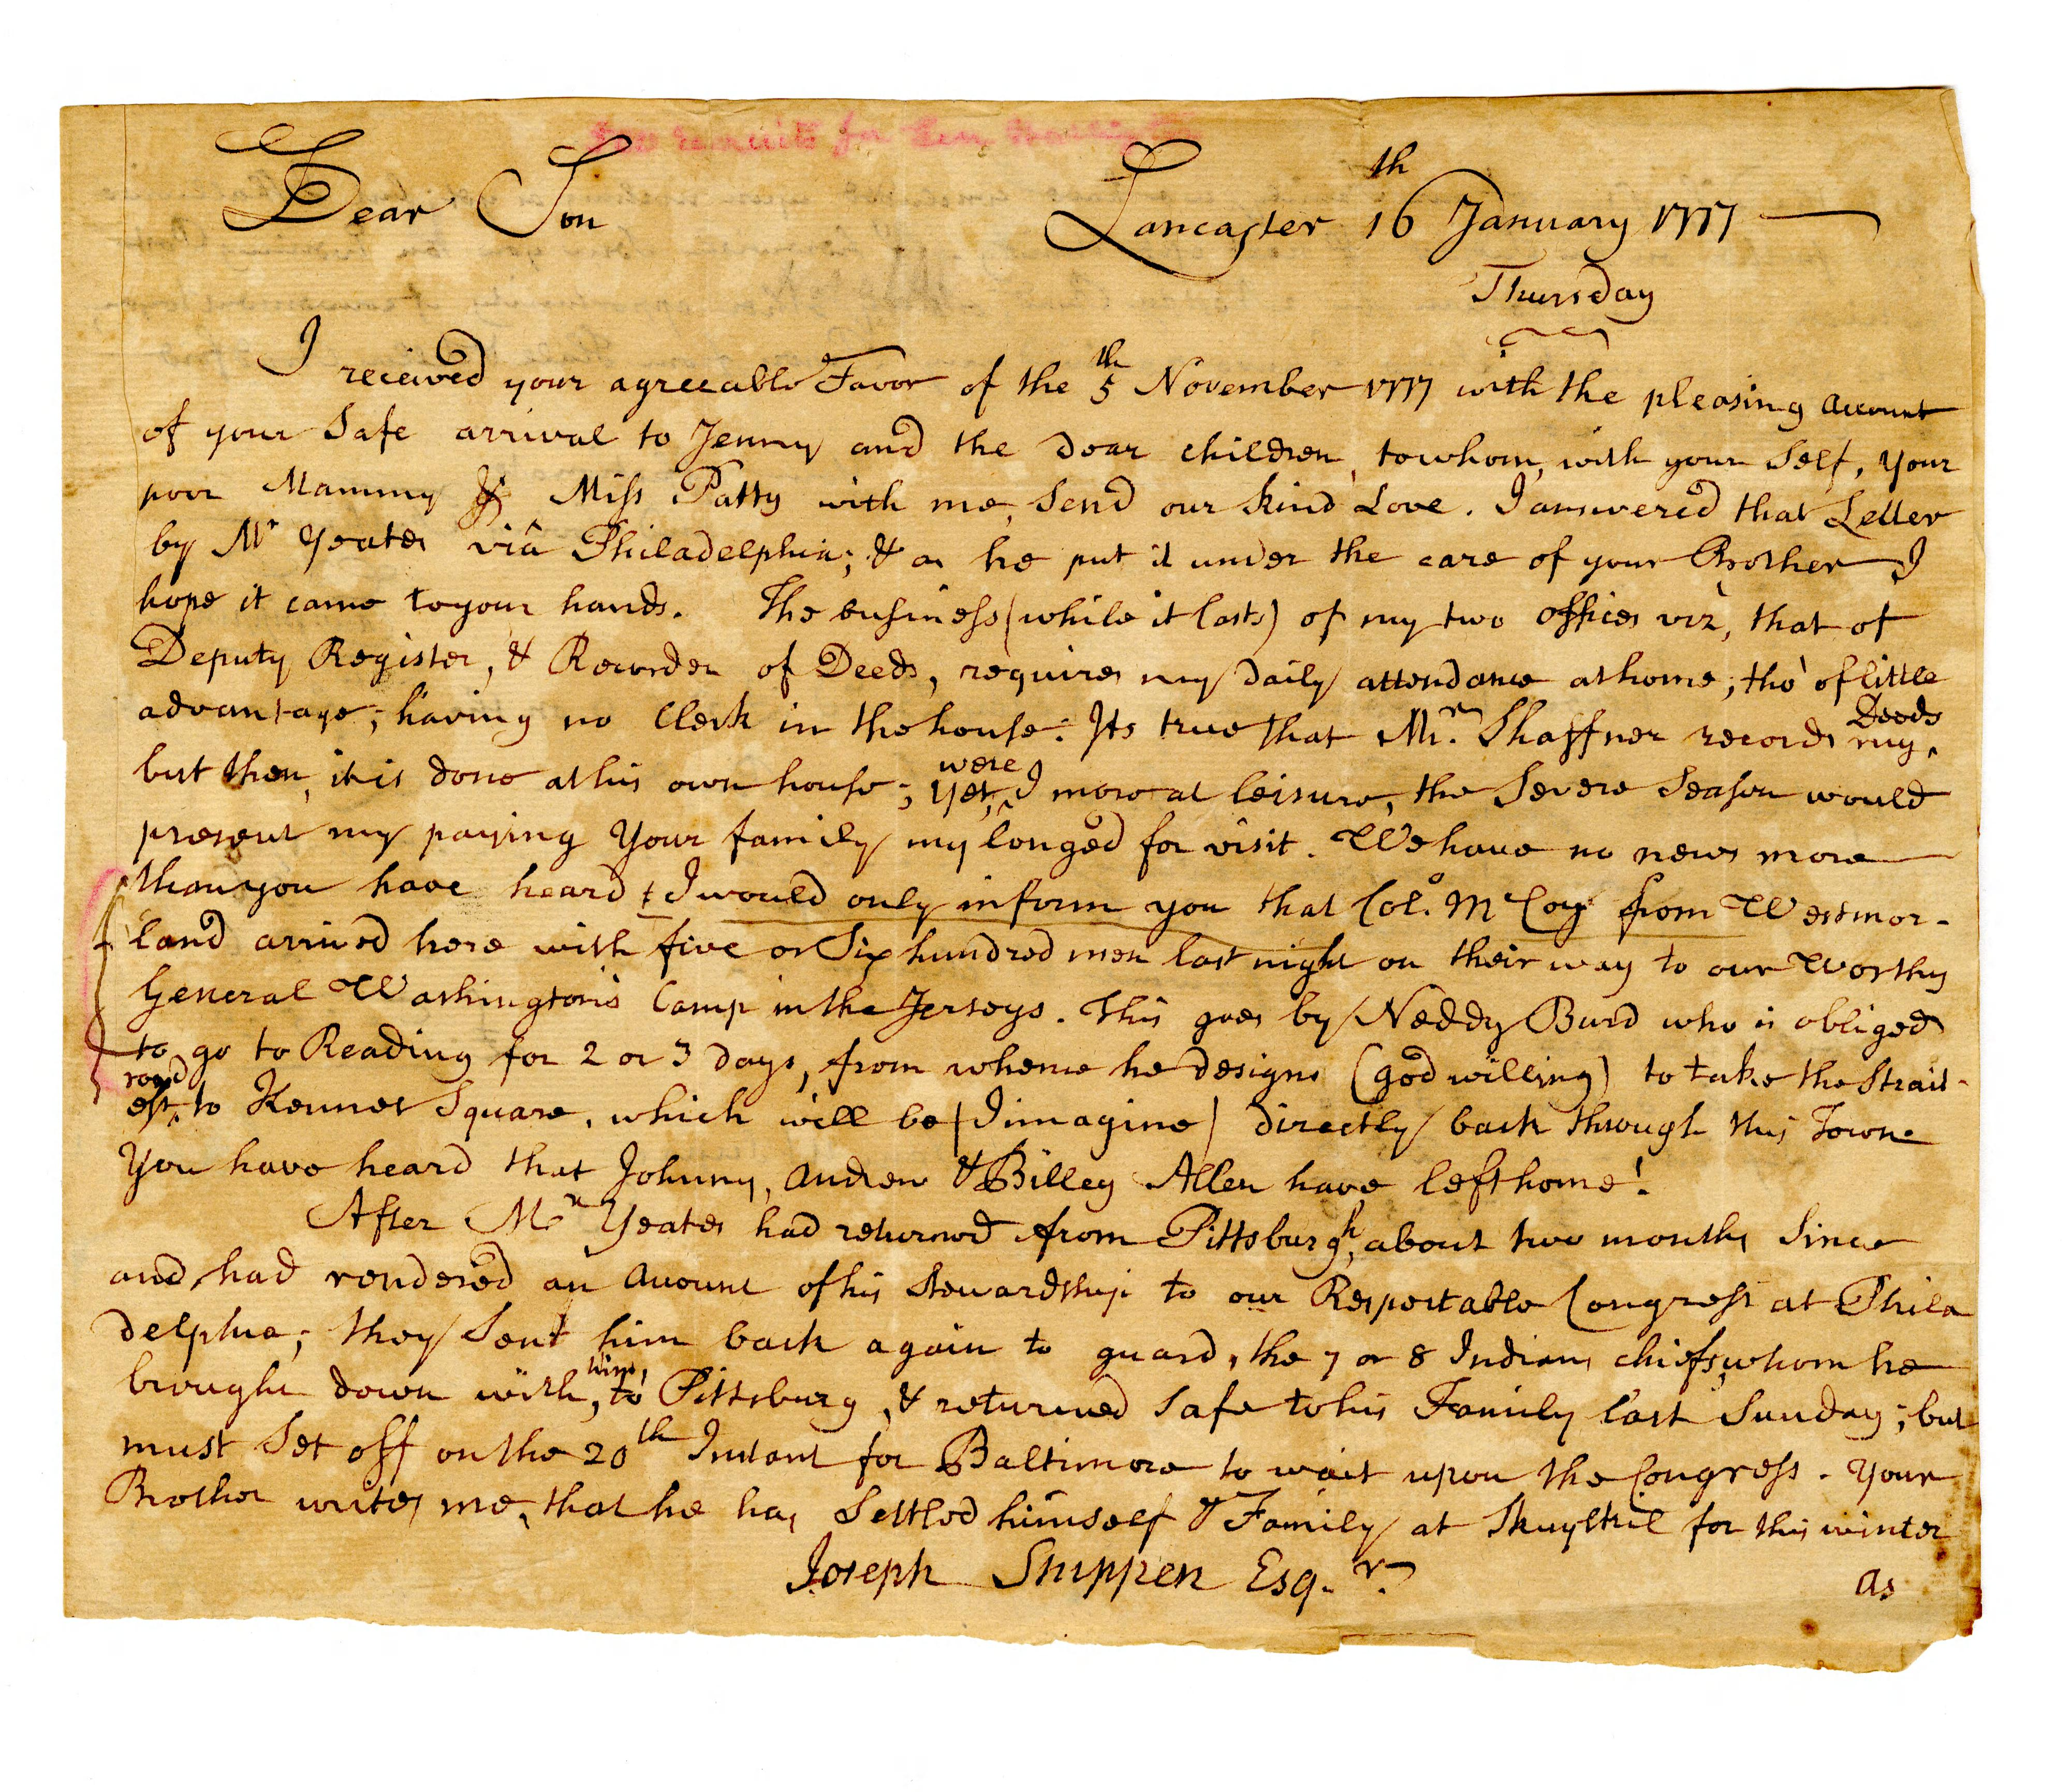Lancaster 16^th January 1777-
Thursday
Dear Son
I received your agreeable Favour of the 5^th November 1777 with the pleasing Account
of your Safe arrival to Jenny and the dear children, to whom, with your Self, You
poor Mammy & Miss Patty with me, Send our kind Love. I answered that Letter
by M^r Yeates via Philadelphia, & as he put it under the care of your Brother I
hope it came to your hands. The business (while it lasts) of my two offices viz, that of
Deputy Register, & Rounder of Deeds, require my daily attendance at home; tho' of little
Deeds
advantage; having no Clerk in the house: Its true that M^r. Shaffner records my ^
were
but then, it is done at his own house; yet, ^ I move at leisure, the second Season would
present my paying Your family my longed for visit. We have no news more
than you have heard = I would only inform you that Col^o. M Coy from Westmor-
land arrived here with five or six hundred men last night on their way to our Worthy
General Washington's Camp in the Jerseys. This goes by Neddy Burd who is obliged
to go to Reading for 2 or 3 days, from where he designs (god willing) to take the strait
road
off ^ to Kennet Square, which will be (Imagine) directly back through this Town
You have heard that Johnny, Andrew & Billy Allen have left home!
After M^r Yeates had returned from Pittsburg^h, about two months since
and had rounded an Account of his stewardship to our Respectable Congress at Phila
delphia,- they sent him back again to guard, the 7 or 8 Indian chiefs, whom he
him
brought down with, to Pittsburg, & returned safe to his Family last Sunday; but
must set off on the 20^th Instant for Baltimore to wait upon the Congress. Your
Brother writes me, that he has settled himself & Family at Skuylkil for this winter
As
Joseph Shippen Esq.^r.